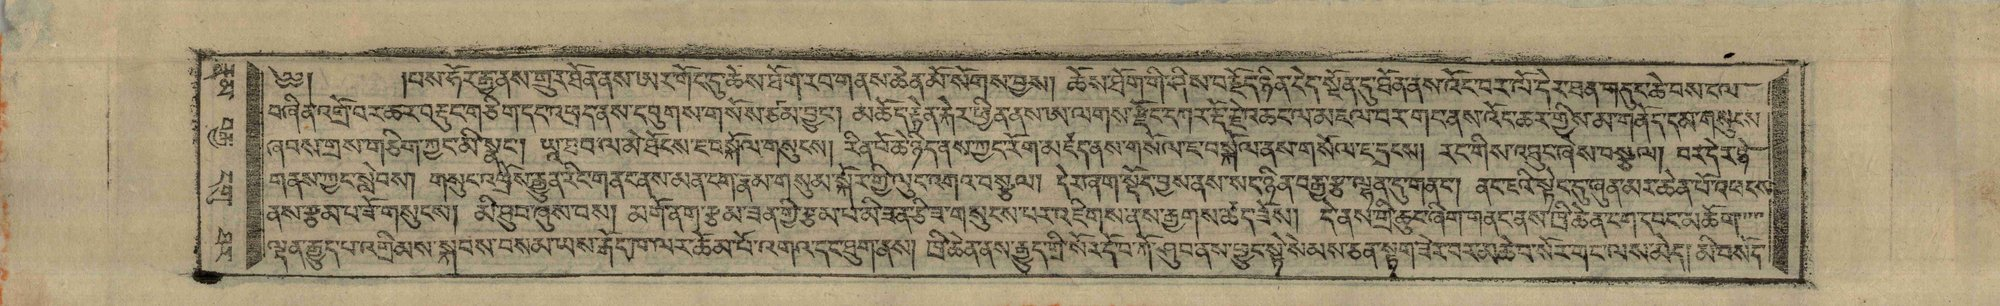༄༅། །པས་ཧོར་རྒྱ་ནས་གྲུར་ཐོན་ནས་ཨར་གོང་དུ་ཆོས་ཐོག་རབ་གནས་ཆེན་མོ་སོགས་བྱས། ཆོས་ཐོག་གི་ཤིས་བརྗོད་ཉིན་ངེད་སྔོན་དུ་ཐོན་ནས་འོང་བར་ལོ་དེར་ཐན་གདུང་ཆེ་བས་ངལ་
བཞིན་འགྲོ་བར་ཆར་བརྡུང་གཅིག་དང་འཕྲད་ནས་དབུགས་གསོས་ཙམ་བྱུང་། མཆོད་རྟེན་རྐེར་ཕྱིན་ནས་ཨ་ལགས་རྫོང་དཀར་རྡོ་རྗེ་འཆང་ལ་མཇལ་བར་གང་ནས་འོང་ཆར་གྱིས་མ་གནོད་དམ་གསུངས་
ཞབས་གྲས་གཅིག་ཀྱང་མི་སྣང་། ཡཱ་ཐབ་ལ་མེ་ཐོངས་ཇ་བསྐོལ་གསུངས། རིན་པོ་ཆེ་ཉིད་ནས་ཀྱང་རོག་མཛད་ནས་གསོལ་ཇ་བསྐོལ་ནས་གསོལ་ཇ་དྲངས། རང་གིས་འཐུང་ཞེས་བསྩལ། བར་དེར་ཉེ་
གནས་ཀྱང་སླེབས། གསུང་འཕྲོས་རྒྱུན་རིང་གནང་ནས་མན་ངག་རྣམ་གསུམ་སྐོར་གྱི་ལུང་འགའ་བསྩལ། དེར་ཞག་སྡོད་བྱས་ནས་སང་ཉིན་བརྒྱ་རྩ་ལྷན་དུ་གནང་། ནང་ཇའི་སྟེང་དུ་ཞུན་མར་ཆེན་པོ་འཕངས་
ནས་རྩམ་པ་ཟོ་གསུངས། མི་ཐུབ་ཞུས་བས། མགོ་ནག་རྩམ་ཟན་གྱི་རྩམ་པ་མི་ཟན་ཙི་ཟ་གསུངས་པར་འཇིགས་ནས་རྒྱགས་ཚད་ཟོས། དེ་ནས་གྲི་ཆུང་ཞིག་གནང་ནས་ཁྲི་ཆེན་ངག་དབང་མཆོག་
ལྡན་རྒྱུད་པ་འགྲིམས་སྐབས་བསམ་ཡས་རྒོད་ཁ་ལར་ཆོམ་པོ་འགའ་དང་ཐུག་ནས། ཁྲི་ཆེན་ནས་རྒྱུད་གྲི་སོར་དོ་བ་ཀོ་ཤུབ་ནས་ཕྱུང་སྟེ་སེམས་ཅན་སྟག་ཟེར་བར་མཆེ་བ་སོར་གང་ལས་མེད། མི་བསོད་